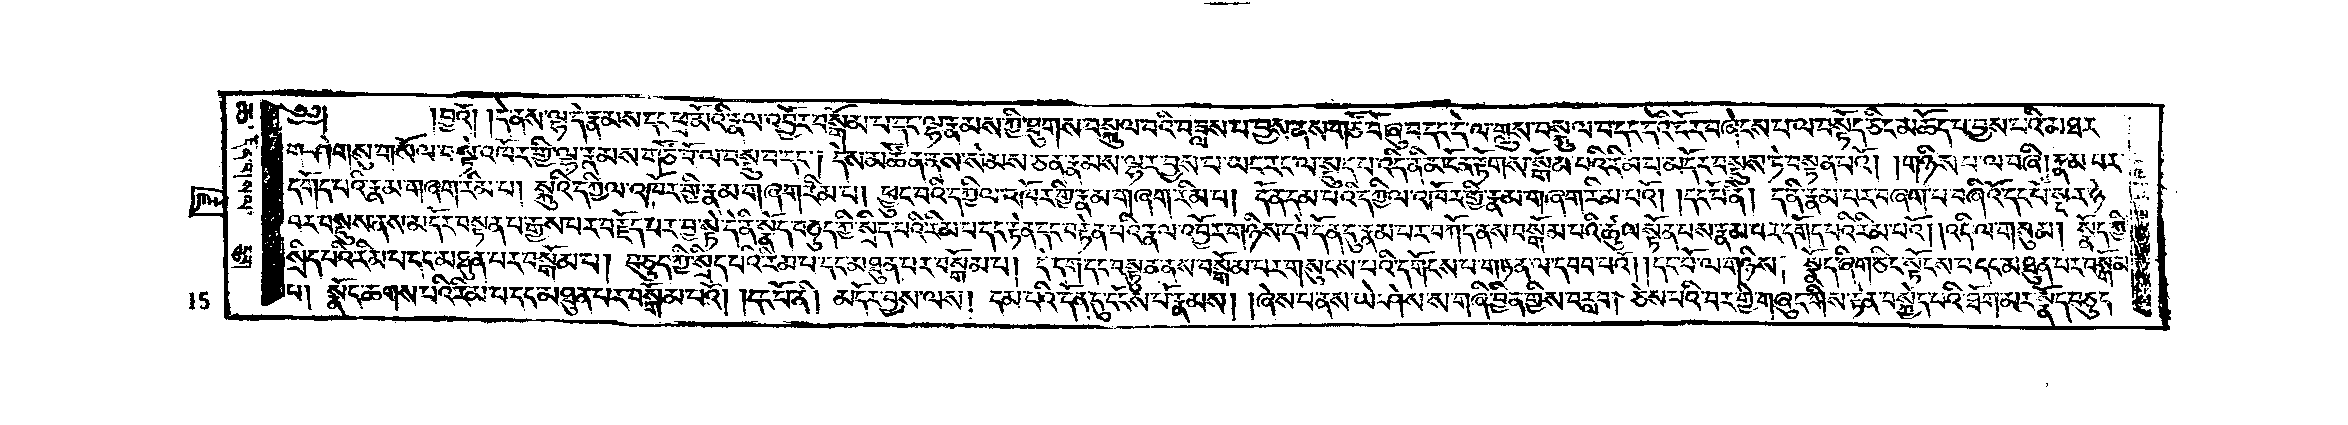༄༅། །བྱའོ། །དེ་ནས་ལྷ་དེ་རྣམས་དང་ཕྲ་མོའི་རྣལ་འབྱོར་བསྒོམ་པ་དང་ལྷ་རྣམས་ཀྱི་ཐུགས་བསྐུལ་བའི་བཟླས་པ་བྱས་ནས་གཙོ་བོ་ཞུ་བ་དང་དེ་ལ་གླུས་བསྐུལ་བ་དང་དེའི་ངོར་བཞེངས་པ་ལ་བསྟོད་ཅིང་མཆོད་པ་བྱས་པའི་མཐར་
གཤེགས་སུ་གསོལ་བ་སྟེ་འཁོར་གྱི་ལྷ་རྣམས་གཙོ་བོ་ལ་བསྡུ་བ་དང་། དེས་མཚོན་ནས་སེམས་ཅན་རྣམས་ལྷར་བྱས་པ་ཡང་རང་ལ་སྡུད་པ་འདི་ནི་མངོན་རྟོགས་སྒོམ་པའི་རིམ་པ་མདོར་བསྡུས་ཏེ་བསྟན་པའོ། །གཉིས་པ་ལ་བཞི། རྣམ་པར་
དགོད་པའི་རྣམ་གཞག་རིམ་པ། སྐུའི་དཀྱིལ་འཁོར་གྱི་རྣམ་གཞག་རིམ་པ། ཕྱུང་བའི་དཀྱིལ་འཁོར་གྱི་རྣམ་གཞག་རིམ་པ། དོན་དམ་པའི་དཀྱིལ་འཁོར་གྱི་རྣམ་གཞག་རིམ་པའོ། །དང་པོ་ནི། ད་ནི་རྣམ་པར་བཞག་པ་བཞིའི་དང་པོ་སྔར་ཉེ་
བར་བསྡུས་ནས་མདོར་བསྟན་པ་རྒྱས་པར་བརྗོད་པར་བྱ་སྟེ་དེ་ནི་སྣོད་བཅུད་ཀྱི་སྲིད་པའི་རིམ་པ་དང་རྟེན་དང་བརྟེན་པའི་རྣལ་འབྱོར་གཉིས་དཔེ་དོན་དུ་རྣམ་པར་བཀོད་ནས་བསྒོམ་པའི་ཚུལ་སྟོན་པས་རྣམ་པར་དགོད་པའི་རིམ་པའོ། །འདི་ལ་གསུམ། སྣོད་ཀྱི་
སྲིད་པའི་རིམ་པ་དང་མཐུན་པར་བསྒོམ་པ། བཅུད་ཀྱི་སྲིད་པའི་རིམ་པ་དང་མཐུན་པར་བསྒོམ་པ། དེ་དག་དང་བསྟུན་ནས་བསྒོམ་པར་གསུངས་པའི་དགོངས་པ་གཏན་ལ་དབབ་པའོ། །དང་པོ་ལ་གཉིས། སྣོད་ཞིག་ཅིང་སྟོངས་པ་དང་མཐུན་པར་བསྒོམ་
པ། སྣོད་ཆགས་པའི་རིམ་པ་དང་མཐུན་པར་བསྒོམ་པའོ། །དང་པོ་ནི། མདོར་བྱས་ལས། དམ་པའི་དོན་དུ་དངོས་པོ་རྣམས། །ཞེས་པ་ནས་ཡེ་ཤེས་ས་གཞི་བྱིན་གྱིས་བརླབ། ཅེས་པའི་བར་གྱི་གཞུང་གིས་རྟེན་བསྐྱེད་པའི་ཐོག་མར་སྣོད་བཅུད་